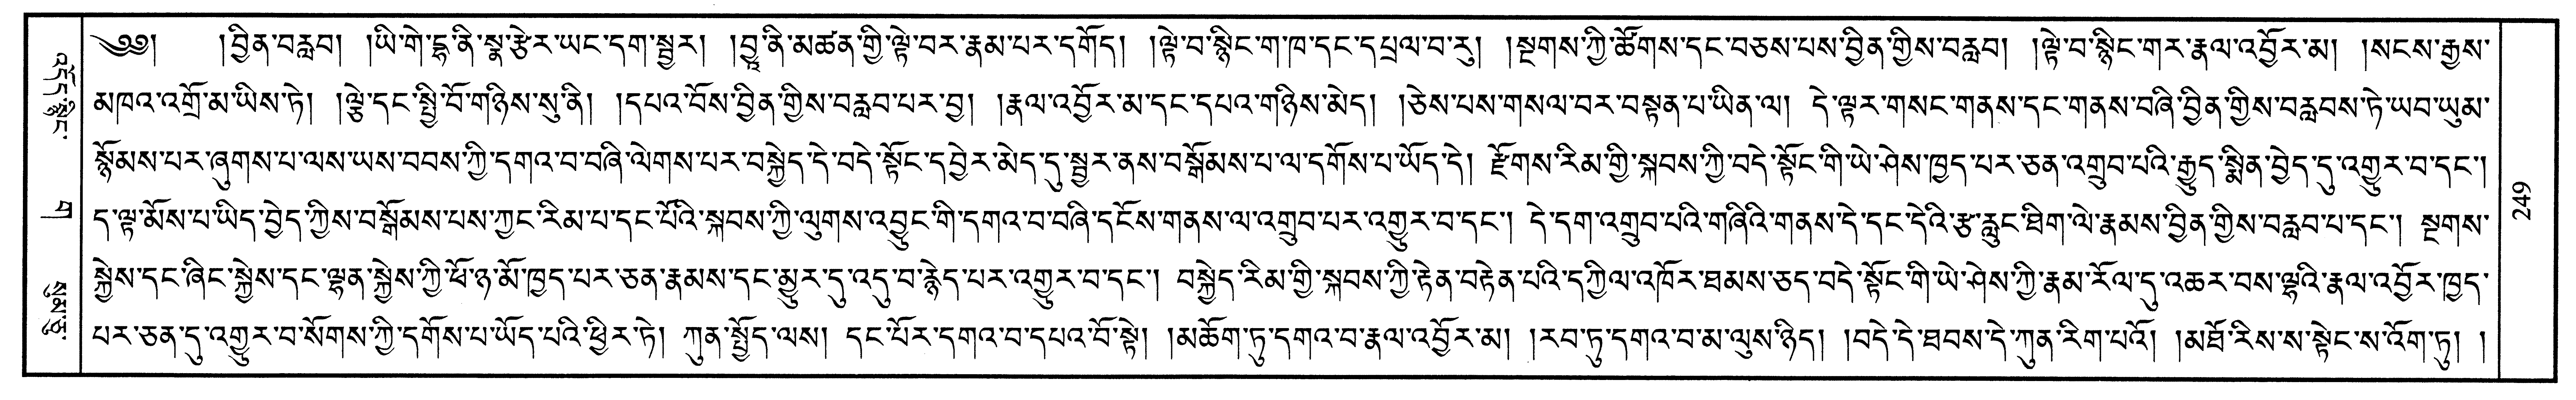༄༅། །བྱིན་བརླབ། །ཡི་གེ་དྷ་ནི་སྣ་རྩེར་ཡང་དག་སྦྱར། །བྱཱ་ནི་མཚན་གྱི་ལྟེ་བར་རྣམ་པར་དགོད། །ལྟེ་བ་སྙིང་ག་ཁ་དང་དཔྲལ་བ་རུ། །སྔགས་ཀྱི་ཚོགས་དང་བཅས་པས་བྱིན་གྱིས་བརླབ། །ལྟེ་བ་སྙིང་རར་རྣལ་འབྱོར་མ། །སངས་རྒྱས་
མཁའ་འགྲོ་མ་ཡིས་ཏེ། །ཅེ་དང་སྤྱི་བོ་གཉིས་སུ་ནི། །དཔའ་བོས་བྱིན་གྱིས་བརླབ་པར་བྱ། །རྣལ་འབྱོར་མ་དང་དཔའ་གཉིས་མེད། །ཅེས་པས་གསལ་བར་བསྟན་པ་ཡིན་ལ། དེ་ལྟར་གསང་གནས་དང་གནས་བཞི་བྱིན་གྱིས་བརླབས་ཏེ་ཡབ་ཡུམ་
སྙོམས་པར་ཞུགས་པ་ལས་ཡས་བབས་ཀྱི་དགའ་བ་བཞི་ལེགས་པར་བསྐྱེད་དེ་བདེ་སྟོང་དབྱེར་མེད་དུ་སྦྱར་ནས་བསྒོམས་པ་ལ་དགོས་པ་ཡོད་དེ། རྫོགས་རིམ་གྱི་སྐབས་ཀྱི་བདེ་སྟོང་གི་ཡེ་ཤེས་ཁྱད་པར་ཅན་འགྲུབ་པའི་རྒྱུད་སྨིན་བྱེད་དུ་འགྱུར་བ་དང་།
ད་ལྟ་མོས་པ་ཡིད་བྱེད་ཀྱིས་བསྒོམས་པས་ཀྱང་རིམ་པ་དང་པོའི་སྐབས་ཀྱི་ལུགས་འབྱུང་གི་དགའ་བ་བཞི་དངོས་གནས་ལ་འགྲུབ་པར་འགྱུར་བ་དང་། དེ་དག་འགྲུབ་པའི་གཞིའི་གནས་དེ་དང་དེའི་རྩ་རླུང་ཐིག་ལེ་རྣམས་བྱིན་གྱིས་བརླབ་པ་དང་། སྔགས་
སྐྱེས་དང་ཞིང་སྐྱེས་དང་ལྷན་སྐྱེས་ཀྱི་ཕོ་ཉ་མོ་ཁྱད་པར་ཅན་རྣམས་དང་མྱུར་དུ་འདུ་བ་རྙེད་པར་འགྱུར་བ་དང་། བསྐྱེད་རིམ་གྱི་སྐབས་ཀྱི་རྟེན་བརྟེན་པའི་དཀྱིལ་འཁོར་ཐམས་ཅད་བདེ་སྟོང་གི་ཡེ་ཤེས་ཀྱི་རྣམ་རོལ་དུ་འཆར་བས་ལྷའི་རྣལ་འབྱོར་ཁྱད་
པར་ཅན་དུ་འགྱུར་བ་སོགས་ཀྱི་དགོས་པ་ཡོད་པའི་ཕྱིར་ཏེ། ཀུན་སྤྱོད་ལས། དང་པོར་དགའ་བ་དཔའ་བོ་སྟེ། །མཆོག་ཏུ་དགའ་བ་རྣལ་འབྱོར་མ། །རབ་ཏུ་དགའ་བ་མ་ལུས་ཉིད། །བདེ་དེ་ཐབས་དེ་ཀུན་རིག་པའོ། །མཐོ་རིས་ས་སྟེང་ས་འོག་ཏུ། །